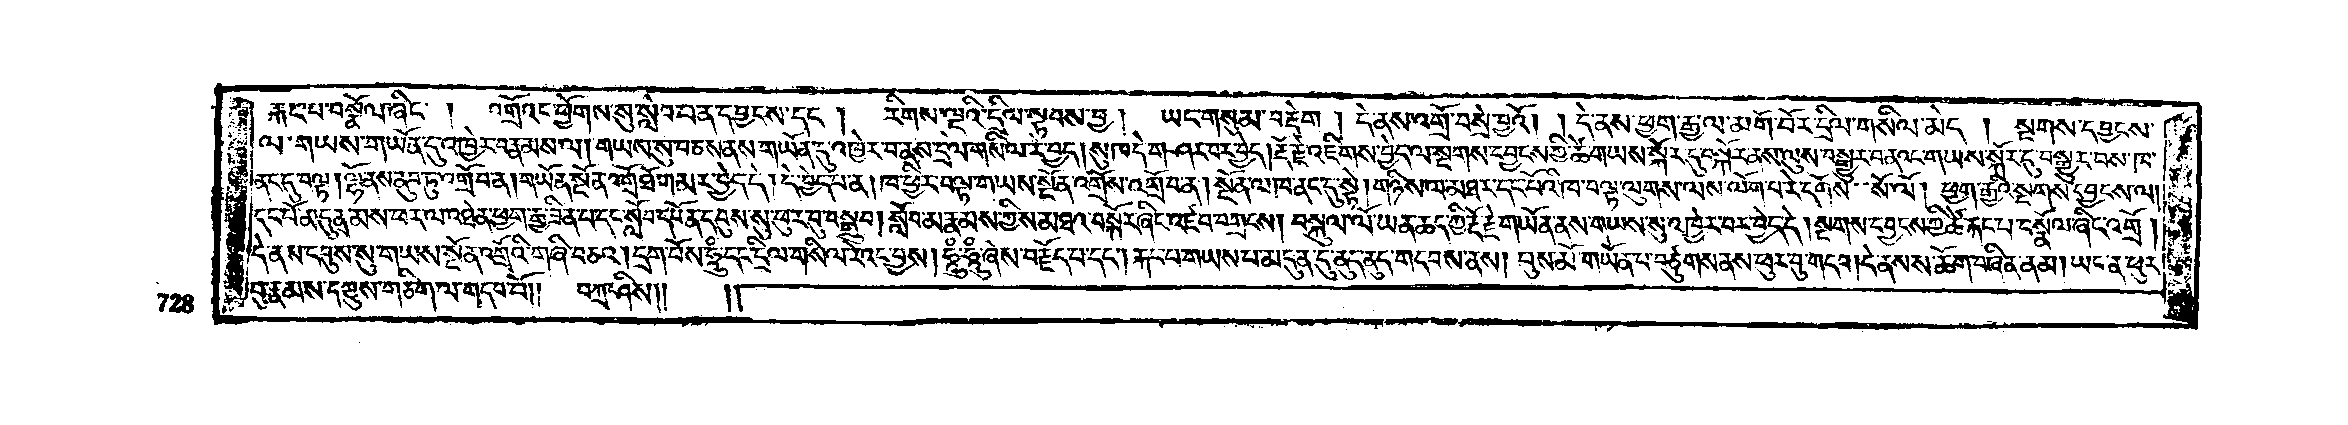རྐང་པ་བསྣོལ་ཞིང་། འགྲོའང་ཕྱོགས་སུ་སླེབ་པ་ན་དབྱངས་དང་། རིགས་ལྔའི་དྲིལ་སྟབས་བྱ། ཡང་གསུམ་བརྡེག །དེ་ནས་འགྲོ་བསྲེ་བྱའོ། །དེ་ནས་ཕྱག་རྒྱ་ལ་མགོ་བོར་དྲིལ་གསིལ་མེད། སྔགས་དབྱངས་
ལ་གཡས་གཡོན་དུ་འཁྱེར་བ་རྣམས་ལ། གཡས་སུ་བཅས་ནས་གཡོན་དུ་འཁྱེར་བ་ནས་དྲེལ་གསིལ་རེ་བྱད། སུ་ཁ་དེ་གཤར་བར་བྱེད། རྡོ་རྗེ་འཇིགས་བྱེད་ལ་སྔགས་དབྱངས་ཀྱི་ཚེ་གཡས་སྐོར་དུ་བསྐོར་ནས་ལུས་བསྒྱུར་བ་ནའང་གཡས་སྐོར་དུ་བསྒྱུར་བས་ཁ་
ནང་དུ་བལྟ། ལྷོ་ནས་ནུབ་ཏུ་འགྲོ་བ་ན། གཡོན་སྔོན་འགྲོ་ཐོག་མར་བྱེད་དེ། དེ་བྱེད་པ་ན། ཁ་ཕྱིར་བལྟ་གཡས་སྔོན་འགྲོས་འགྲོ་བ་ན། སྔོན་ལ་ཁ་ནང་དུ་སྟེ། གཉིས་ལ་མཐར་དང་པོའི་ཁ་བལྟ་ལུགས་ལས་ལོག་པ་རེ་དགོས་སོ་ལོ། ཕྱག་རྒྱའི་སྔགས་དབྱངས་ལ།
དང་པོ་མདུན་མས་ཕར་ལ་འཐེན་ཕྱག་རྒྱ་ཟིན་པ་དང་སློབ་དཔོན་དབུས་སུ་ཕུར་བུ་བསྒྲུབ། སློབ་མ་རྣམས་ཀྱིས་མཐའ་བསྐོར་ཞིང་འཛབ་བགྲངས། བསྐུལ་ལོ་ཡན་ཆད་ཀྱི་རྡོ་རྗེ་གཡོན་ནས་གཡས་སུ་འཁྱེར་བར་བྱེད་དེ། སྔགས་དབྱངས་ཀྱི་ཚེ་རྐང་པ་བསྣོལ་ཞིང་འགྲོ།
དེ་ནས་དབུས་སུ་གཡས་སྔོན་འགྲོའི་གཞི་བཅའ། དྲག་པོས་ཧཱུཾ་དང་དྲིལ་གསིལ་རེའང་བྱས། ཧཱུཾ་ཧཱུཾ་ཞེས་བརྗོད་པ་དང་། རྐང་པ་གཡས་པ་མདུན་དུ་ནུད་ནུད་གདབས་ནས། བུས་མོ་གཡོན་པ་བཙུགས་ནས་ཕུར་བུ་གདབ། དེ་ནས་ས་ཆོག་བཞིན་ནམ། ཡང་ན་ཕུར་
བུ་རྣམས་དཀྱུས་གཅིག་ལ་གདབ་བོ། །བཀྲ་ཤིས།། །།